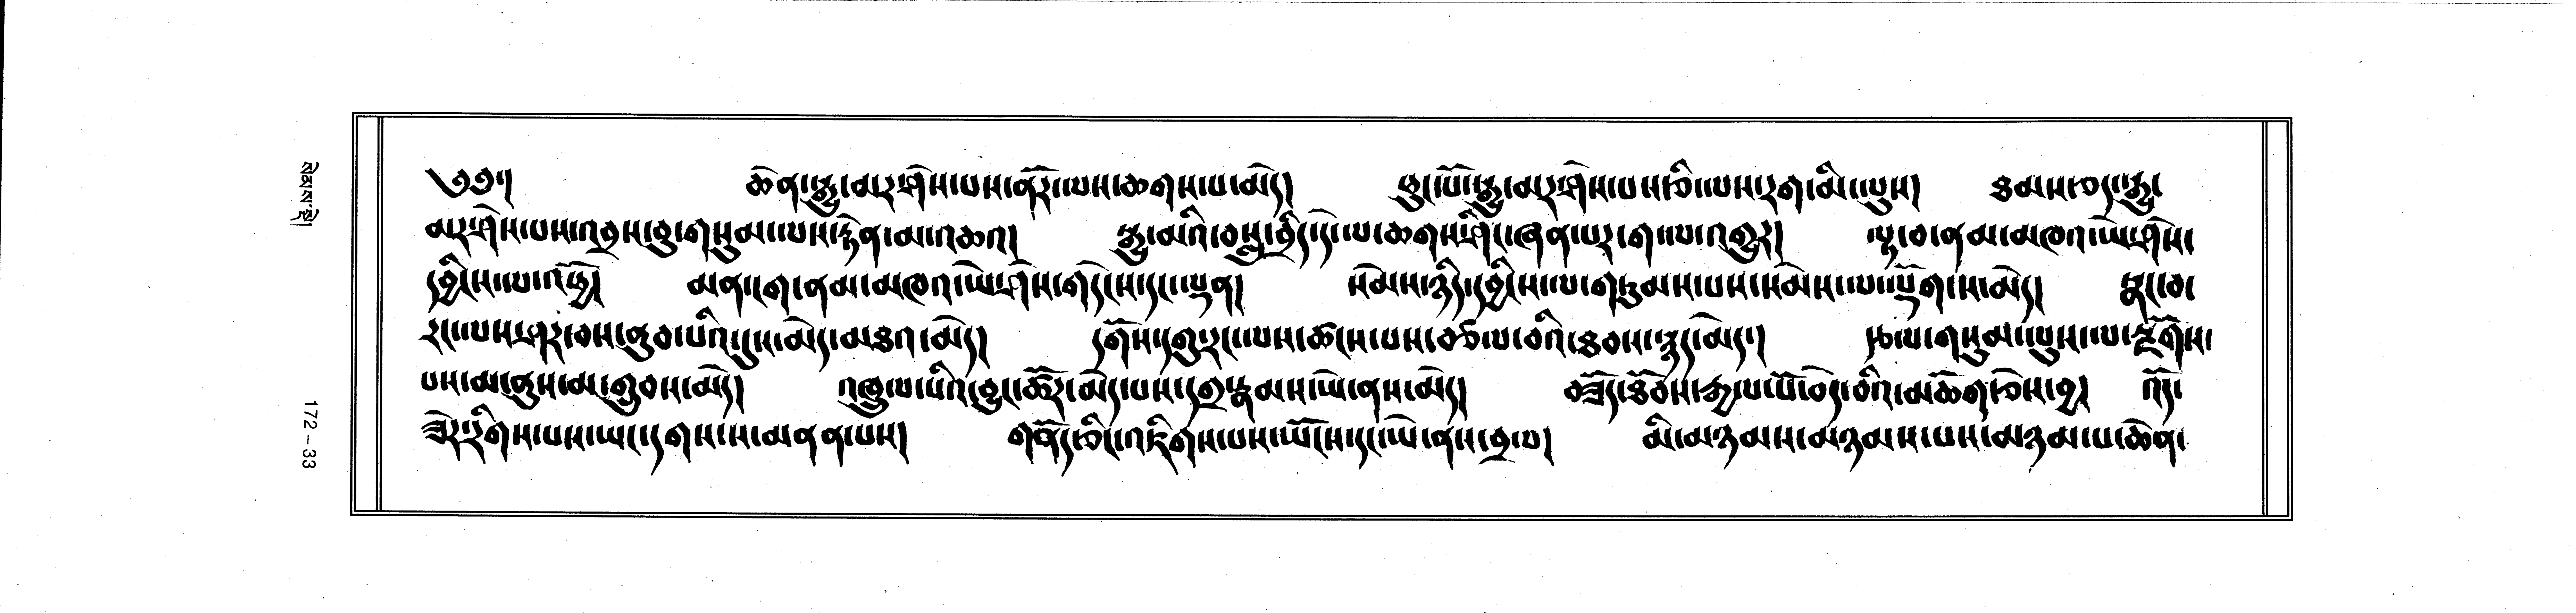ཆེན་སྒྱུ་མར་ཤེས་པས་ནོར་ལས་ཆགས་པ་མེད། ཕུང་པོ་སྒྱུ་མར་ཤེས་པས་ཅི་ལས་རག་མི་ལུས། ཐམས་ཅད་སྒྱུ་
མར་ཤེས་པས་འབྲས་བུ་གསུམ་ལས་རྟེན་མ་འཆའ། སྒྱུ་མའི་བསླུ་བྲིད་དེ་ལ་ཆགས་ཤིང་ཞན་པར་ག་ལ་འགྱུར། ལྟ་བ་ནམ་མཁའ་ཡེ་ཤེས་
དབྱིངས་ལ་འཕྱོ། མན་ངག་ནམ་མཁའ་ཡེ་ཤེས་གདེངས་དང་ལྡན། སེམས་ཉིད་དབྱིངས་ལ་གཏུམས་པས་སེམས་ལ་ལྡོག་ས་མེད། སྣང་བ་
རང་ལ་ཤར་བས་ནུབ་པའི་དུས་མཐའ་མེད། དགོས་དགུ་རང་ལ་ཚངས་པས་བཙལ་བའི་ཐ་སྙད་མེད། རྩལ་གསུམ་ལུས་ལ་རྫོགས་
པས་མ་ནུས་མ་གྲུབ་མེད། འཁྲུལ་པའི་བྱུང་ཚོར་མེད་པས་དགྲ་རྣམས་ཡེ་ནས་མེད། བཟོད་ཐོབ་རྒྱལ་པོ་བདེ་བའི་མཆོག་ཅེས་བྱ། འོད་
ཟེར་རིགས་པས་ཡང་དགས་ས་མནན་པས། གནོད་ཅིང་འཇིགས་པས་ཡོངས་དང་ཡེ་ནས་བྲལ། མི་མཉམས་མཉམས་པས་མཉམས་པ་ཆེན་